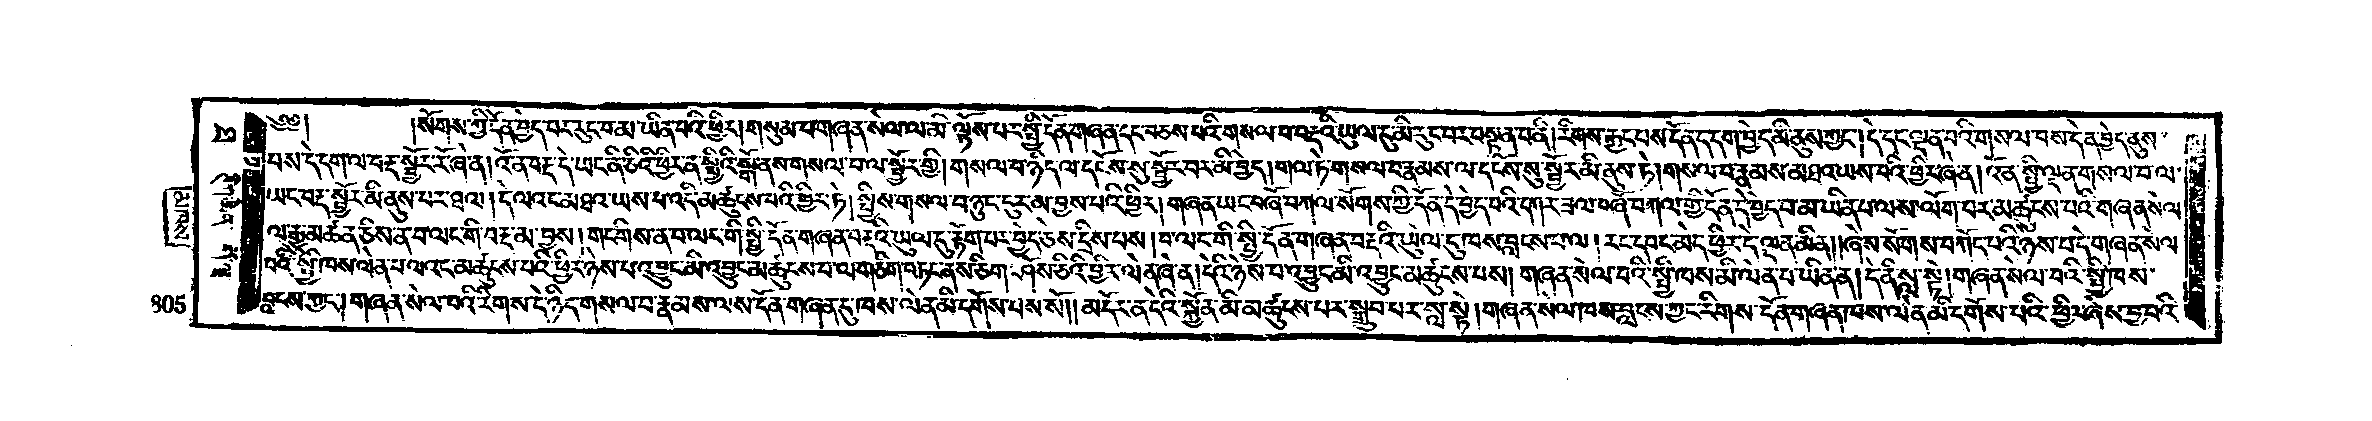༄༅། །སོགས་ཀྱི་དོན་བྱེད་པར་རུང་བ་མ་ཡིན་པའི་ཕྱིར། གསུམ་པ་གཞན་སེལ་ལ་མི་ལྟོས་པར་སྤྱི་དོན་གཞན་དང་བཅས་པའི་གསལ་བ་བརྡའི་ཡུལ་དུ་མི་རུང་བར་བསྟན་པ་ནི། རིགས་རྐྱང་པས་དོན་དེ་དག་བྱེད་མི་ནུས་ཀྱང་། དེ་དང་ལྡན་པའི་གསལ་བས་དོན་བྱེད་ནུས་
པས་དེ་དག་ལ་བརྡ་སྦྱོར་རོ་ཞེ་ན། འོ་ན་བརྡ་དེ་ཡང་ནི་ཅིའི་ཕྱིར་ན་སྤྱིའི་སྒོ་ནས་གསལ་བ་ལ་སྦྱོར་གྱི། གསལ་བ་ཉིད་ལ་དངོས་སུ་སྦྱོར་བར་མི་བྱེད། གལ་ཏེ། གསལ་བ་རྣམས་ལ་དངོས་སུ་སྦྱོར་མི་ནུས་ཏེ། གསལ་བ་རྣམས་མཐའ་ཡས་པའི་ཕྱིར་ཞེ་ན། འོ་ན་སྤྱི་ལྡན་གསལ་བ་ལ་
ཡང་བརྡ་སྦྱོར་མི་ནུས་པར་ཐལ། དེ་ལའང་མཐའ་ཡས་པ་འདི་མཚུངས་པའི་ཕྱིར་ཏེ། སྤྱི་གསལ་བ་ཉུང་ངུར་མ་བྱས་པའི་ཕྱིར། གཞན་ཡང་བཞོ་བཀལ་སོགས་ཀྱི་དོན་དེ་བྱེད་པའི་དཀར་ཟལ་བཞོ་བཀལ་གྱི་དོན་དེ་བྱེད་པ་མ་ཡིན་པ་ལས་ལོག་པར་མཚུངས་པའི་གཞན་སེལ་
ལ་རྒྱུ་མཚན་ཅིས་ན་བ་ལང་གི་བརྡ་མ་བྱས། གང་གིས་ན་བ་ལང་གི་སྤྱི་དོན་གཞན་བརྡའི་ཡུལ་དུ་རྟོག་པར་བྱེད་ཅེས་དྲིས་པས། བ་ལང་གི་སྤྱི་དོན་གཞན་བརྡའི་ཡུལ་དུ་ཁས་བླངས་པ་ལ། རང་དབང་མེད་ཕྱིར་དེ་ལྡན་མིན། །ཞེས་སོགས་བཀོད་པའི་ཉེས་པ་དེ་གཞན་སེལ་
བའི་སྤྱི་ཁས་ལེན་པ་ལའང་མཚུངས་པའི་ཕྱིར་ཉེས་པ་འབྱུང་མི་འབྱུང་མཚུངས་པ་ལ་གཅིག་བཏང་ནས་ཅིག་ཤོས་ཅིའི་ཕྱིར་ལེན་ཞེ་ན། དེའི་ཉེས་པ་འབྱུང་མི་འབྱུང་མཚུངས་པས། གཞན་སེལ་བའི་སྤྱི་ཁས་མི་ལེན་པ་ཡིན་ན། དེ་ནི་སླ་སྟེ། གཞན་སེལ་བའི་སྤྱི་ཁས་
བླངས་ཀྱང་། གཞན་སེལ་བའི་རིགས་དེ་ཉིད་གསལ་བ་རྣམས་ལས་དོན་གཞན་དུ་ཁས་ལེན་མི་དགོས་པས་སོ། །མདོར་ན་དེའི་སྐྱོན་མི་མཚུངས་པར་སྒྲུབ་པར་སླ་སྟེ། གཞན་སེལ་ཁས་བླངས་ཀྱང་རིགས་དོན་གཞན་ཁས་ལེན་མི་དགོས་པའི་ཕྱིར་ཞེས་བྱ་བའི་